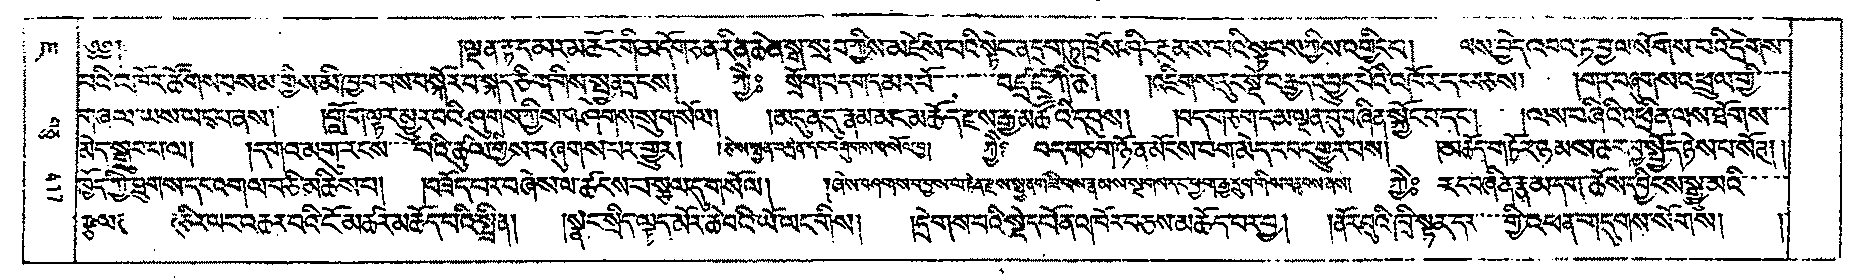༄༅། །ལྡན་རྟ་དམར་མཆོང་གི་མདོག་ཅན་རིན་ཆེན་སྒ་སྲབ་ཀྱིས་མཛེས་པའི་སྟེང་ན་དྲག་ཏུ་ཁྲོས་ཤིང་རྔམས་པའི་སྟབས་ཀྱིས་འགྱིང་བ། ལས་བྱེད་འབའ་ཏ་བྱ་ལ་སོགས་པའི་དྲེགས་
པའི་འཁོར་ཚོགས་བསམ་གྱིས་མི་ཁྱབ་པས་བསྐོར་བ་སྐད་ཅིག་གིས་སྤྱན་དྲངས། ཀྱཻཿ སྲོག་བདག་དམར་པོ་བཛྲ་ཛ་ཀི་ཆེ། །འཇིགས་རུང་སྡེ་བརྒྱད་འབྱུང་པོའི་འཁོར་དང་བཅས། །གར་བཞུགས་འཕྲུལ་གྱི་
གཞལ་ཡས་ཡངས་པ་ནས། །གློག་ལྟར་མྱུར་བའི་ཤུགས་ཀྱིས་གཤེགས་སུ་གསོལ། །མདུན་དུ་རྣམ་མང་མཆོད་རྫས་རྒྱ་མཚོའི་དབུས། །བདག་ཅག་དམ་ལྡན་བུ་བཞིན་སྐྱོང་བ་དང་། །ལས་བཞིའི་འཕྲིན་ལས་ཐོགས་
མེད་སྒྲུབ་པ་ལ། །དགའ་མགུ་རངས་པའི་ཚུལ་གྱིས་བཞུགས་པར་གྱུར། ། ཅེས་སྤྱན་འདྲེན་དང་བཞུགས་གསོལ་བྱ།  ཀྱཻཿ བདག་ཅག་ཉོན་མོངས་བག་མེད་དབང་གྱུར་པས། །མཆོད་གཏོར་ཉམས་ཆག་བྱ་སྤྱོད་ཉེས་པ་སོགས། །
ཁྱོད་ཀྱི་ཐུགས་དང་འགལ་བ་ཅི་མཆིས་པ། །བཟོད་པར་བཞེས་ལ་ཚངས་པ་སྩལ་དུ་གསོལ། ། ཞེས་བཤགས་པ་བྱས་ལ་རྟེན་རྫས་སྤྱན་གཟིགས་རྣམས་སྔགས་དང་ཕྱག་རྒྱ་དྲུག་གིས་བརླབས་ནས།  ཀྱཻཿ རང་བཞིན་རྣམ་དག་ཆོས་དབྱིངས་སྒྱུ་མའི་
རྩལ། །ཅིར་ཡང་འཆར་བའི་ངོ་མཚར་མཆོད་པའི་སྤྲིན། །སྣང་སྲིད་ལྟད་མོར་ཆེ་བའི་ཡོ་ལང་གིས། །དྲེགས་པའི་སྡེ་དཔོན་འཁོར་བཅས་མཆོད་པར་བྱ། །ནོར་བུའི་ཁྲི་སྟན་དར་གྱི་འཕན་གདུགས་སོགས། །